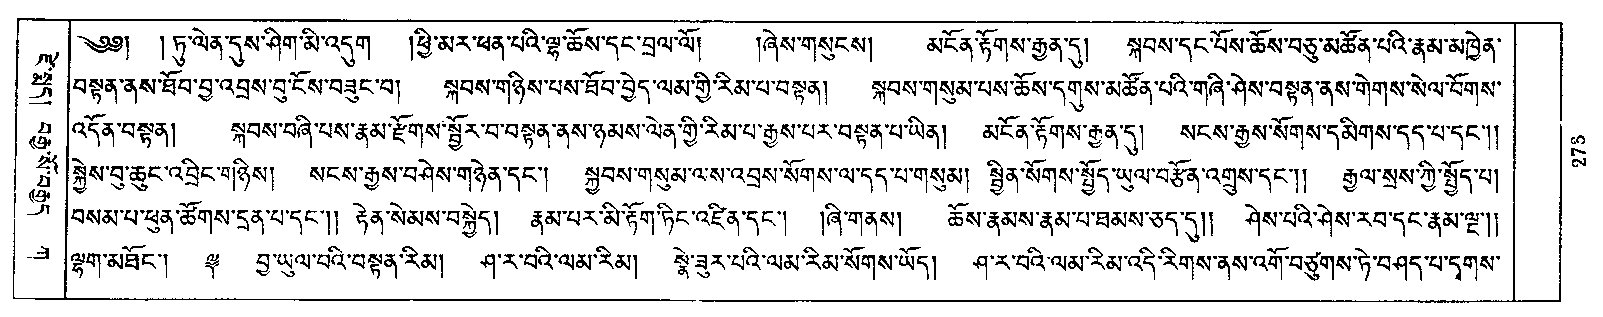༄༅། །ཏུ་ལེན་དུས་ཤིག་མི་འདུག །ཕྱི་མར་ཕན་པའི་ལྷ་ཆོས་དང་བྲལ་ལོ། །ཞེས་གསུངས། མངོན་རྟོགས་རྒྱན་དུ། སྐབས་དང་པོས་ཆོས་བཅུ་མཚོན་པའི་རྣམ་མཁྱེན་
བསྟན་ནས་ཐོབ་བྱ་འབྲས་བུ་ངོས་བཟུང་བ། སྐབས་གཉིས་པས་ཐོབ་བྱེད་ལམ་གྱི་རིམ་པ་བསྟན། སྐབས་གསུམ་པས་ཆོས་དགུས་མཚོན་པའི་གཞི་ཤེས་བསྟན་ནས་གེགས་སེལ་བོགས་
འདོན་བསྟན། སྐབས་བཞི་པས་རྣམ་རྫོགས་སྦྱོར་བ་བསྟན་ནས་ཉམས་ལེན་གྱི་རིམ་པ་རྒྱས་པར་བསྟན་པ་ཡིན། མངོན་རྟོགས་རྒྱན་དུ། སངས་རྒྱས་སོགས་དམིགས་དད་པ་དང།།
སྐྱེས་བུ་ཆུང་འབྲིང་གཉིས། སངས་རྒྱས་བཤེས་གཉེན་དང་། སྐྱབས་གསུམ་ལས་འབྲས་སོགས་ལ་དད་པ་གསུམ། སྦྱིན་སོགས་སྤྱོད་ཡུལ་བརྩོན་འགྲུས་དང།། རྒྱལ་སྲས་ཀྱི་སྤྱོད་པ།
བསམ་པ་ཕུན་ཚོགས་དྲན་པ་དང།། རྟེན་སེམས་བསྐྱེད། རྣམ་པར་མི་རྟོག་ཏིང་འཛིན་དང་། །ཞི་གནས། ཆོས་རྣམས་རྣམ་པ་ཐམས་ཅད་དུ།། ཤེས་པའི་ཤེས་རབ་དང་རྣམ་ལྔ།།
ལྷག་མཐོང་། ༈ བྱ་ཡུལ་བའི་བསྟན་རིམ། ཤ་ར་བའི་ལམ་རིམ། སྣེ་ཟུར་པའི་ལན་རིམ་སོགས་ཡོད། ཤ་ར་བའི་ལམ་རིམ་འདི་རིགས་ནས་འོག་བཙུགས་ཏེ་བཤད་པ་དྭགས་